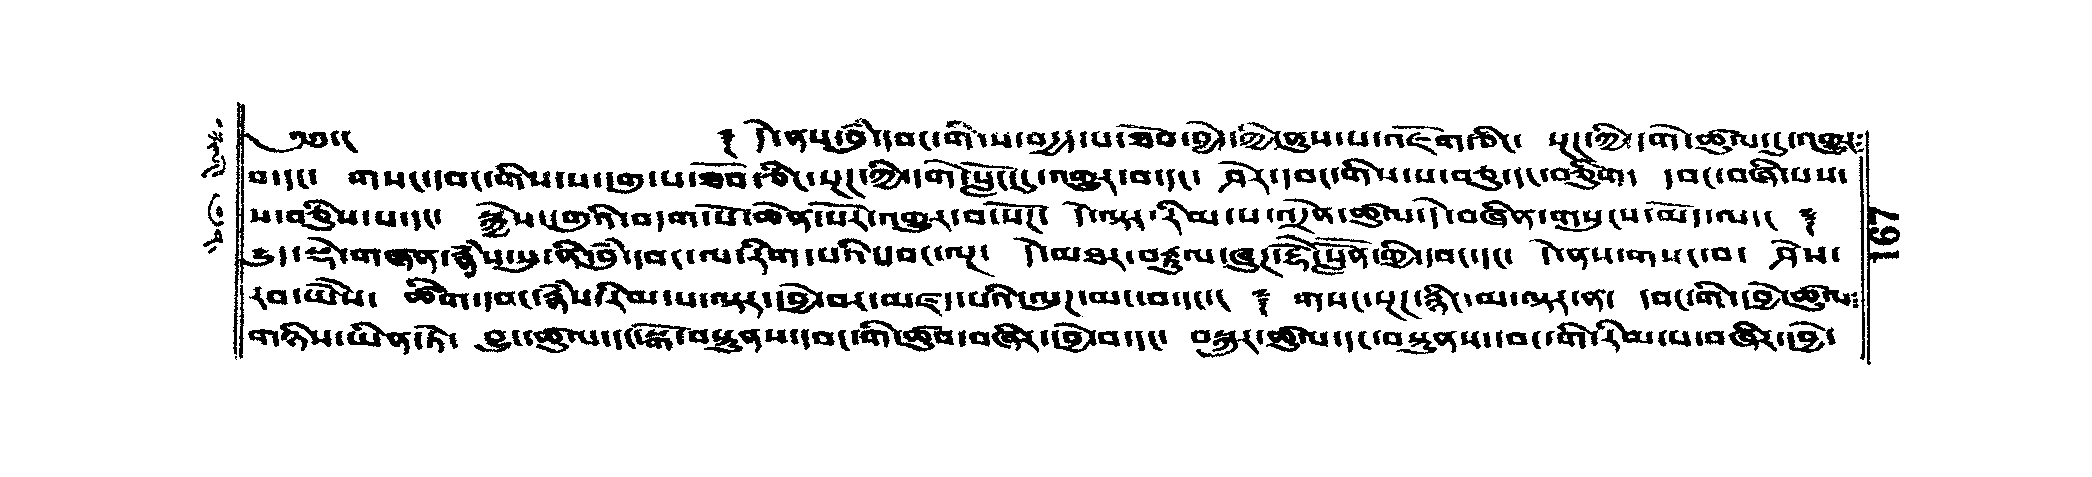དེ་ནས་བུམ་དབང་གི་ས་བརྒྱད་པ་ཐོབ་བྱེད་ཀྱི་ནུས་པ་འཇོག་ཅིང་། སྔགས་ཀྱི་དགེ་ཚུལ་དུ་འགྱུར་
བ་དང་། གསང་དབང་གིས་ས་དགུ་པ་ཐོབ་ཅིང་སྔགས་ཀྱི་དགེ་སློང་དུ་འགྱུར་བ་དང་། ཤེར་དབང་གིས་ས་བཅུ་པ་དང་བཅུ་གཅིག དབང་བཞི་པས་
ས་བཅུ་གཉིས་པ་དང་། སྐྱེ་དགུའི་བདག་པོ་ཆེན་པོར་འགྱུར་བ་སོགས། དེ་ལྟར་རིམ་པ་འདྲེན་ཚུལ་དེ་བཞིན་གསུངས་མོད་ལ། 
རྒྱུད་སྡེ་གཞན་རྣམས་སུ་ནི་བུམ་དབང་ལ་རིག་པའི་དབང་ལྔ། དེ་མཐར་བརྟུལ་ཞུགས་རྡོ་རྗེ་སློབ་དཔོན་གྱི་དབང་དང་། དེ་ནས་གསང་བ། ཤེས་
རབ་ཡེ་ཤེས། ཚིག་དབང་རྣམས་རིམ་པ་ལྟར་དབྱེ་བར་མཛད་པའི་ལུགས་མང་བ་དང་། གསང་སྔགས་རྙིང་མ་ལྟར་ན། དབང་གི་དབྱེ་ཚུལ་
གཉིས་ཡིན་ཏེ། བྱུང་ཚུལ་དང་སྒོ་བསྟུན་ནས་དབང་གི་ཚུལ་བཞིར་དབྱེ་བ་དང་། བསྐུར་ཚུལ་དང་བསྟུན་ནས་དབང་གི་རིམ་པ་བཞིན་དབྱེ་